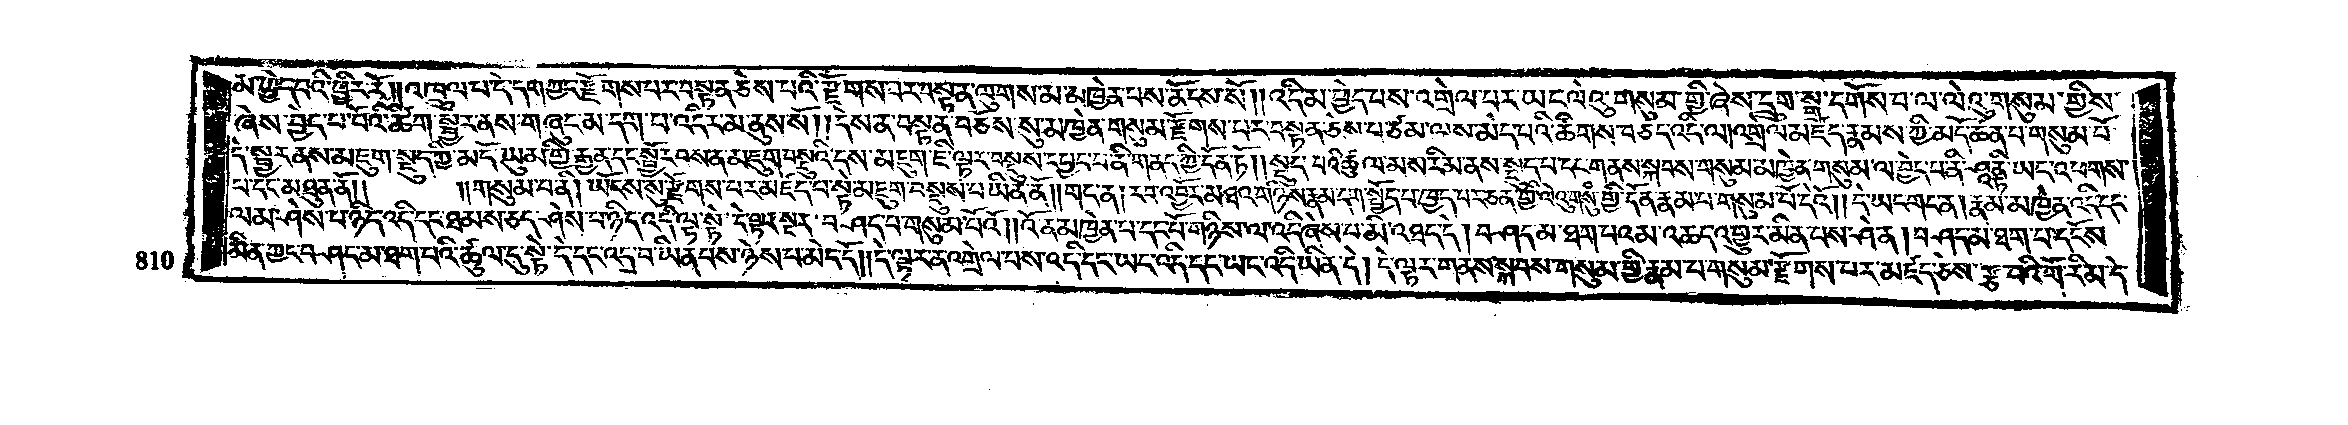མ་ཕྱེད་པའི་ཕྱིར་རོ། །འཁྲུལ་པ་དེ་དག་ཀྱང་རྫོགས་པར་བསྟན་ཅེས་པའི་རྫོགས་པར་བསྟན་ལུགས་མ་མཁྱེན་པས་ནོངས་སོ། །འདི་མ་ཕྱེད་པས་འགྲེལ་པར་ཡང་ལེའུ་གསུམ་གྱི་ཞེས་དྲུག་སྒྲ་དགོས་པ་ལ་ལེའུ་གསུམ་གྱིས་
ཞེས་བྱེད་པ་པོའི་ཚིག་སྦྱར་ནས་གཞུང་མ་དག་པ་འདོར་མ་ནུས་སོ། །དེས་ན་བསྟན་བཅོས་སུ་མཁྱེན་གསུམ་རྫོགས་པར་བསྟན་ཅེས་པ་ཙམ་ལས་མེད་པའི་ཚིགས་བཅད་འདི་ལ། འགྲེལ་མཛོད་རྣམས་ཀྱི་མདོ་ཚན་པ་གསུམ་པོ་
དེ་སྦྱར་ནས་མཇུག་སྡུད་ཀྱི་མདོ་ཡུམ་གྱི་རྒྱན་དང་སྦྱོར་བས་ན་མཇུག་བསྡུའི་དེས་མཇུག་ཇི་ལྟར་བསྡུས་དཔྱད་པ་ནི་གནད་ཀྱི་དོན་ཏོ། །སྡུད་པའི་ཚུལ་མས་རིམ་ནས་སྡུད་པ་དང་གནས་སྐབས་གསུམ་མཁྱེན་གསུམ་ལ་བྱེད་པ་ནི་ཤཱནྟི་ཡང་འཕགས་
པ་དང་མཐུན་ནོ།། །གསུམ་པ་ནི། ཡོངས་སུ་རྫོགས་པར་མཛད་པ་སྟེ་མཇུག་བསྡུས་པ་ཡིན་ནོ། །གང་ན། རབ་འབྱོར་མཐའ་གཉིས་རྣམ་དག་སྤྱོད་པ་ཁྱད་པར་ཅན་གྱི་ལེའུ་གསུམ་གྱི་དོན་རྣམ་པ་གསུམ་པོ་དེའོ། །དེ་ཡང་གང་ན། རྣམ་མཁྱེན་འདི་དང་
ལམ་ཤེས་པ་ཉིད་འདི་དང་ཐམས་ཅད་ཤེས་པ་ཉིད་འདི་ལྟ་སྟེ་དེ་ལྟར་སྔར་བཤད་པ་གསུམ་པོའོ། །འོ་ན་མཁྱེན་པ་དང་པོ་གཉིས་ལ་འདི་ཞེས་པ་མི་འཐད་དེ། བཤད་མ་ཐག་པའམ་འཆད་འགྱུར་མིན་པས་ཤེ་ན། བཤད་མ་ཐག་པ་དངོས་
མིན་ཀྱང་བཤད་མ་ཐག་པའི་ཚུལ་དུ་སྟེ་དེ་དང་འདྲ་བ་ཡིན་པས་ཉེས་པ་མེད་དོ། །དེ་ལྟར་ན་འགྲེལ་པས་འདི་དང་ཡང་འདི་དང་ཡང་འདི་ཡིན་དེ། དེ་ལྟར་གནས་སྐབས་གསུམ་གྱི་རྣམ་པ་གསུམ་རྫོགས་པར་མཛད་ཅེས་རྩ་བའི་གོ་རིམ་དེ་